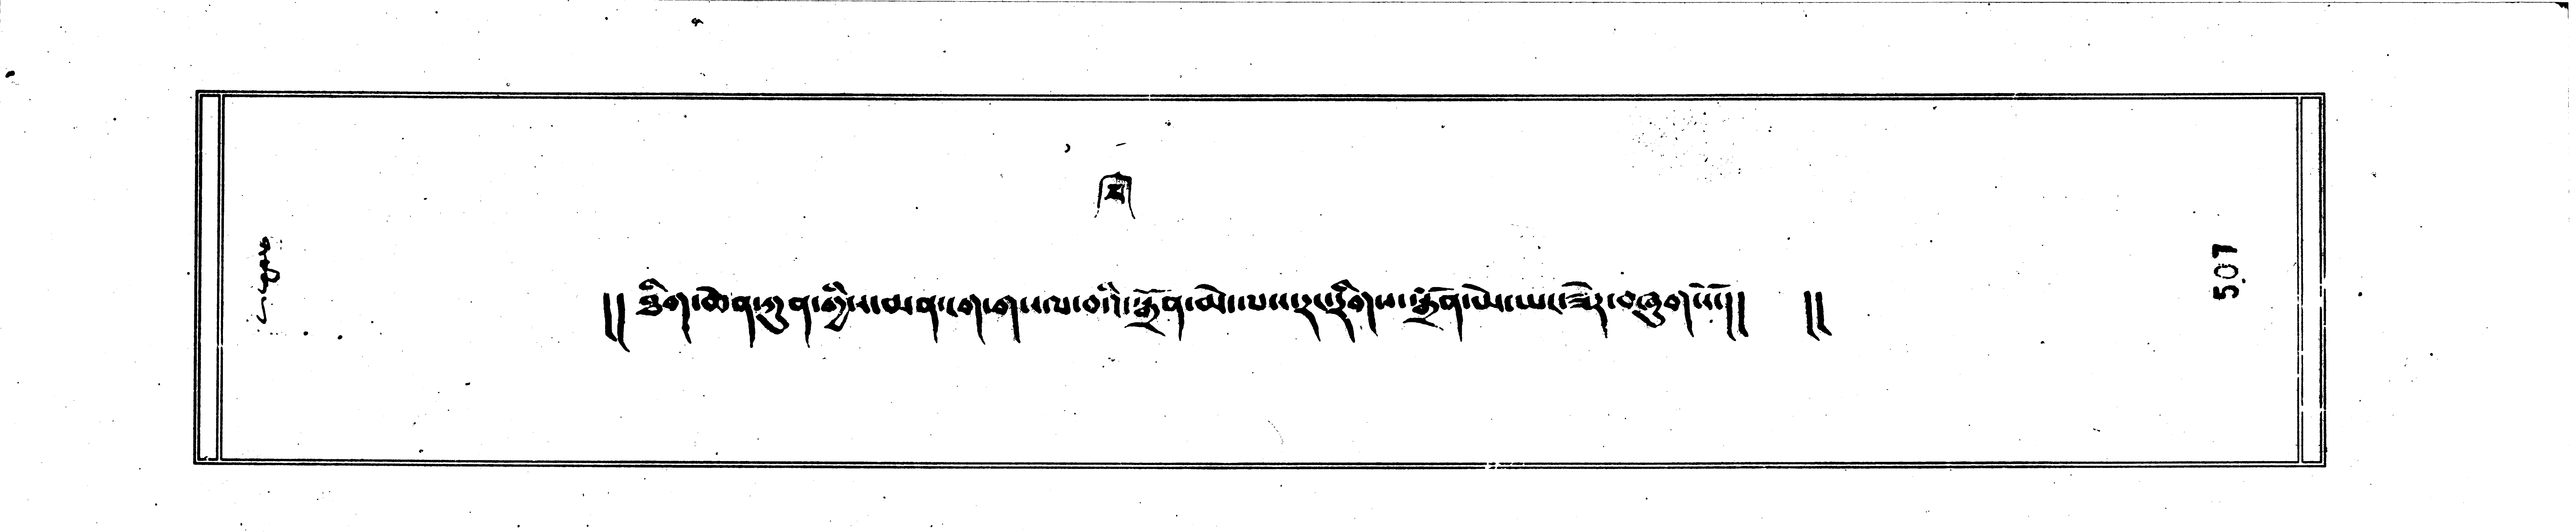(བ༽ མེན་ངག་རྒྱལ་པོ་ལས་མེན་ངག་རང་རིག་སྒྲོན་མེ་བཞུགས་སོ། །